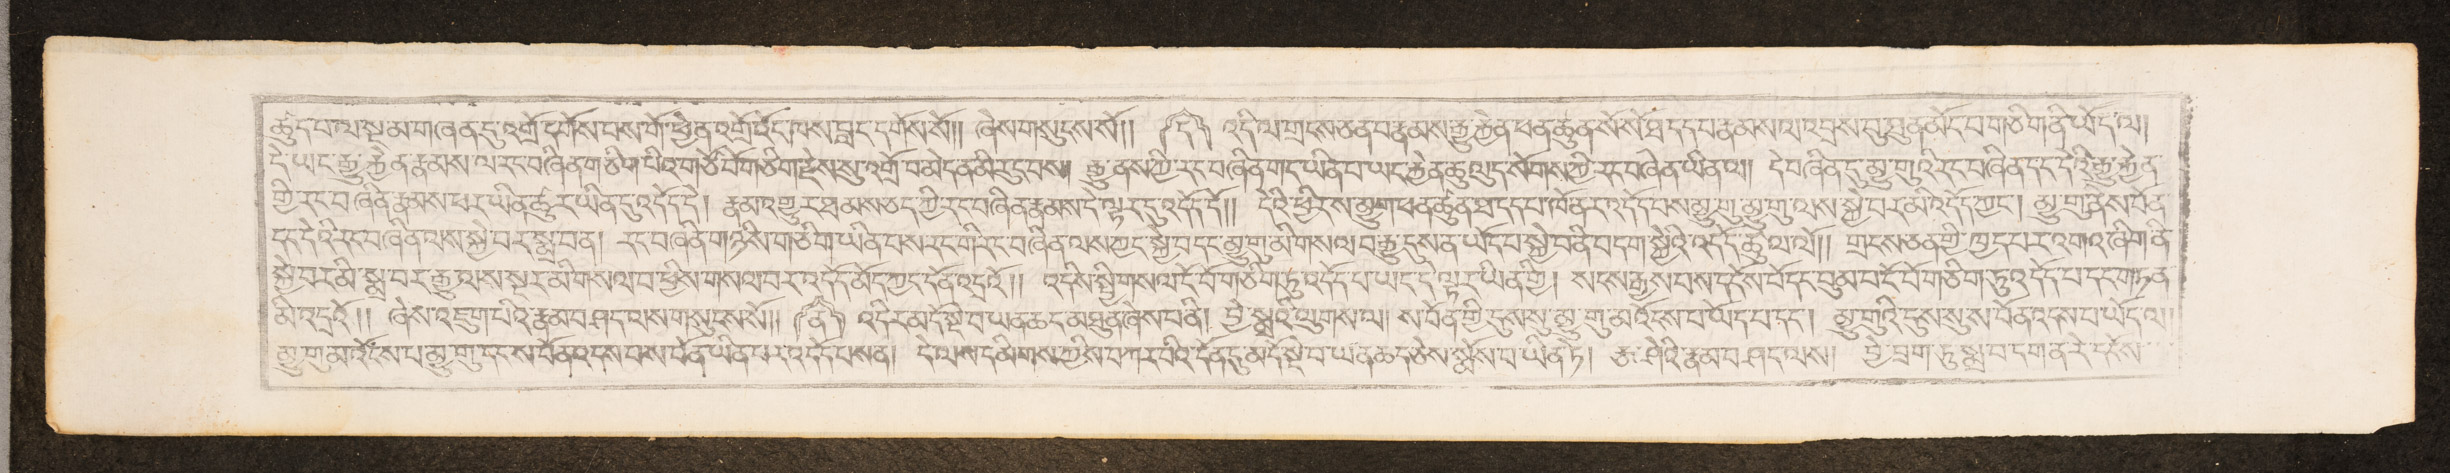།ཚུད་ལ་སྔ་མ་གཞན་དུ་འགྲོ་དགོས་པས་གོ་ཕྱེ་ན་འགྲོ་འོང་ཁས་བླང་དགོས་སོ།། ཞེས་གསུགནས་སོ།། ༼༽ད༼༽ འདི་ལ་གྲངས་ཅན་བ་རྣམས་རྒྱུ་རྐྱེན་ཕན་ཚུན་སོས་སོ་ཐ་པ་རྣམས་ལ་བྲས་བུ་ཐུན་མོང་པ་གཅིག་ནི་ཡོད་ལ།
དེ་ཡང་རྒྱུ་རྐྱེན་རྣམས་ལ་རང་བཞིན་གཅིག་པའི་གཙོ་བོ་གཅིག་རྗེས་སུ་འགྲོ་བ་མེད་ན་མི་རུང་བས། རྒྱུ་ནས་ཀྱི་རང་བཞིན་གང་ཡིན་པ་ཡང་རྐྱེན་ཆུ་ལུད་སོགས་ཀྱི་རང་བཞིན་ཡིན་ལ། དེ་བཞིན་དུ་མྱུ་གུའི་རང་བཞིན་དང་དེའི་རྒྱུ་རྐྱེན་
གྱི་རང་བཞིན་རྣམས་ཕར་ཡིན་ཚུར་ཡིན་དུ་འདོད་དེ། རྣམ་འགྱུར་ཐམས་ཅད་ཀྱི་རང་བཞིན་རྣམས་དེ་ལྟར་དུ་འདོད་དོ།། དེའི་ཕྱིར་ས་མྱུག་ཕན་ཚུན་ཐ་དད་པ་ཁོ་ནར་འདོད་པས་མྱུ་གུ་མྱུ་གུ་ལས་སྐྱེ་བར་མི་འདོད་ཀྱང་། མྱུ་གུ་ནི་ས་བོན་
དང་དེའི་རང་བཞིན་ལས་སྐྱེ་བར་སྨྲ་བ་ན། རང་བཞིན་གཉིས་གཅིག་ཡིན་པས་རང་གི་རང་བཞིན་ལས་ཀྱང་སྐྱེ་བ་དང་མྱུ་གུ་མི་གསལ་བ་རྒྱུ་དུས་ན་ཡོད་པ་སྐྱེ་བ་ནི་བདག་སྐྱེའི་འདོད་ཚུལ་ལོ།། གྲངས་ཅན་གྱི་ཁྱད་པར་འགའ་ཞིག་ནི་
སྐྱེ་བར་མི་སྨྲ་བར་རྒྱུ་ལས་སྔར་མི་གསལ་བ་ཕྱིས་གསལ་བར་འདོད་མོད་ཀྱང་དོན་འདྲའོ།། འདིས་སྦྱི་གསལ་ངོ་བོ་གཅིག་ཏུ་འདོད་པ་ཡང་དེ་ལྟར་ཡིན་གྱི། སངས་རྒྱས་པས་དངོས་པོ་དང་བུམ་པ་ངོ་བོ་གཅིག་ཏུ་འདོད་པ་དང་གཏན་
མི་འདྲའོ།། ཞེས་འཇུག་པའི་རྣམ་བཤད་ལས་གསུངས་སོ།། ༼༽ན༼༽ འདིར་མདོ་སྡེ་བ་ཡན་ཆད་མཐུན་ཞེས་པ་ནི། བྱེ་སྨྲའི་ལུགས་ལ། ས་བོན་གྱི་དུས་སུ་མྱུ་གུ་མ་འོངས་པ་ཡོད་པ་དང་། མྱུ་གུའི་དུས་སུ་ས་བོན་འདས་པ་ཡོད་ལ།
མྱུག་ཨུ་མ་འོངས་པ་མྱུ་གུ་དང་ས་བོན་འདས་པ་ས་བོན་ཡིན་པར་འདོན་ཡིན་པར་འདོད་པས་ན། དེ་ལས་དམིགས་ཀྱིས་བཀར་བའི་དོན་དུ་མདོ་སྡེ་བ་ཡན་ཆད་ཅེས་སྨོས་པ་ཡིན་ཏེ། རྩ་ཤེའི་རྣམས་བཤད་ལས། བྱེ་བྲག་ཏུ་སྨྲ་བདག་ན་རེ་དངོས་